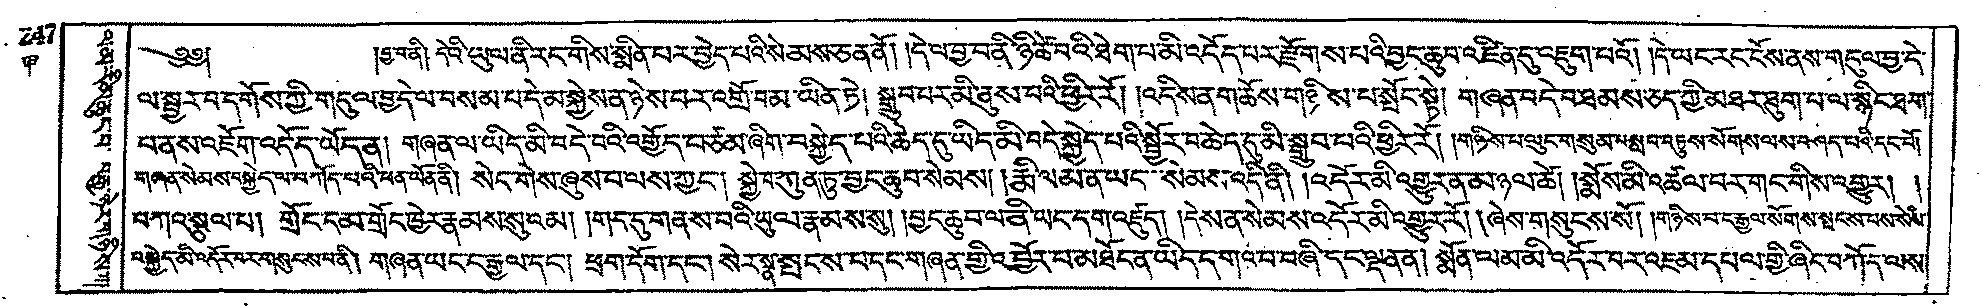༄༅། །བྱ་བ་ནི། དེའི་ཡུལ་ནི་རང་གིས་སྨིན་པར་བྱེད་པའི་སེམས་ཅན་ནོ། །དེ་ལ་བྱ་བ་ནི་ཉི་ཚེ་བའི་ཐེག་པ་མི་འདོད་པར་རྫོགས་པའི་བྱང་ཆུབ་འཛིན་དུ་འཇུག་པའོ། །དེ་ཡང་རང་ངོས་ནས་གདུལ་བྱ་དེ་
ལ་སྦྱར་བ་དགོས་ཀྱི་གདུལ་བྱ་དེ་ལ་བསམ་པ་དེ་མ་སྐྱེས་ན་ཉེས་པར་འགྲོ་བ་མ་ཡིན་ཏེ། སྒྲུབ་པར་མི་ནུས་པའི་ཕྱིར་རོ། །འདིས་ནག་ཆོས་གཉིས་པ་སྤོང་སྟེ། གཞན་བདེ་བ་ཐམས་ཅད་ཀྱི་མཐར་ཐུག་པ་ལ་སྙིང་ཐག་
པ་ནས་འཇོག་འདོད་ཡོད་ན། གཞན་ལ་ཡིད་མི་བདེ་བའི་འགྱོད་པ་ཙམ་ཞིག་བསྐྱེད་པའི་ཆེད་དུ་ཡིད་མི་བདེ་སྐྱེད་པའི་སྦྱོར་བ་ཆེད་དུ་མི་སྒྲུབ་པའི་ཕྱིར་རོ། །གཉིས་པ་ལུང་གསུམ་བསླབ་བཏུས་སོགས་ལས་བཤད་པའི་དང་པོ།
གཞན་སེམས་བསྐྱེད་ལ་བཀོད་པའི་ཕན་ཡོན་ནི། སེང་གེས་ཞུས་པ་ལས་ཀྱང་། སྐྱེ་བ་ཀུན་ཏུ་བྱང་ཆུབ་སེམས། །རྨི་ལམ་ན་ཡང་སེམས་འདི་ནི། །འདོར་མི་འགྱུར་ན་མ་ཉལ་ཚེ། །སྨོས་མི་འཚལ་བར་གང་གིས་འགྱུར། །
བཀའ་སྩལ་པ། གྲོང་ངམ་གྲོང་ཁྱེར་རྣམས་སུ་འམ། །གང་དུ་གནས་པའི་ཡུལ་རྣམས་སུ། །བྱང་ཆུབ་ལ་ནི་ཡང་དག་འཛུད། །དེས་ན་སེམས་འདོར་མི་འགྱུར་རོ། །ཞེས་གསུངས་སོ། །གཉིས་པ་ང་རྒྱལ་སོགས་སྤངས་པས་སེཾས་
བསྐྱེད་མི་འདོར་བར་གསུངས་པ་ནི། གཞན་ཡང་ང་རྒྱལ་དང་། ཕྲག་དོག་དང་། སེར་སྣ་སྤངས་པ་དང་གཞན་གྱི་འབྱོར་པ་མཐོང་ན་ཡིད་དགའ་བ་བཞི་དང་ལྡན་ན། སྨོན་ལམ་མི་འདོར་བར་འཇམ་དཔལ་གྱི་ཞིང་བཀོད་ལས་